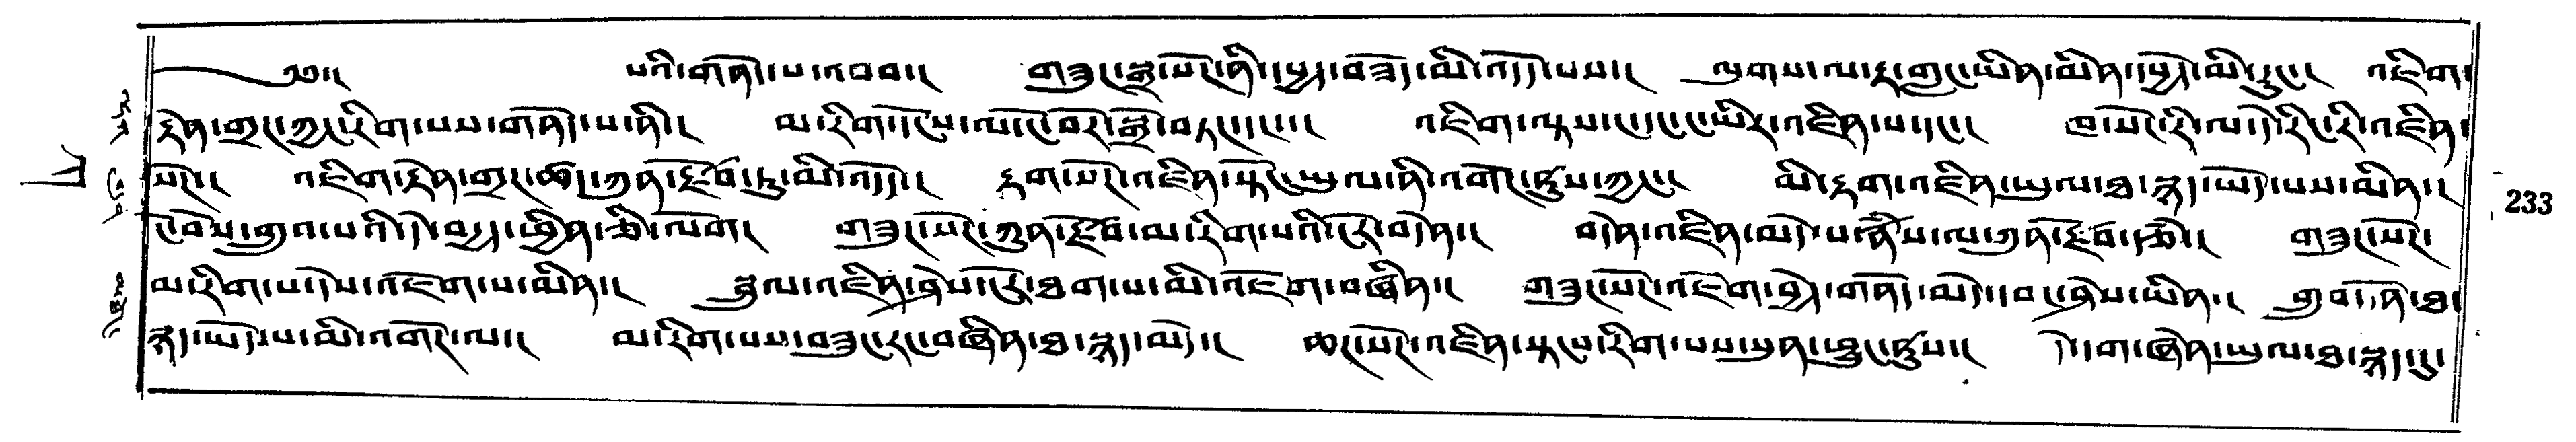པའི་གནོད་པ་འབབ། །གཟུགས་སྒྲ་སོགས་ནི་དཔྱད་བཟོད་མི་འདོད་པས། །ལུགས་ལ་རྟ་གླང་ཡིན་མིན་དཔྱོད་མི་རུང་། །འཇིག་
རྟེན་གྲགས་ཀྱང་རིགས་པས་གནོད་པ་ནི། །མ་རིག་དངོས་ལ་ངོ་བོར་སྒྲོ་བཏགས་དང་། །འཇིག་ལྟས་ང་དང་ང་ཡིར་འཛིན་པ་དང།ཁ་སང་རི་ལ་དེ་རིང་རི་འཛིན་
སོགས། །འཇིག་རྟེན་གྲགས་ཚད་ཀུན་རྫོབ་ཏུ་མི་འདོད། །རྟག་སོགས་འཛིན་སྟངས་ཡུལ་ནི་འགོག་ནུས་ཀྱང་། །མི་རྟག་འཛིན་ཡུལ་ཐ་སྙད་ཡོད་པས་མིན། །
ངོ་བོས་གྲུབ་པའི་དེ་བརྒྱད་ཕྱིན་ཅི་ལོག །གཟུགས་སོགས་ཀུན་རྫོབ་མ་རིག་པའི་ངོར་བདེན། །བདེན་འཛིན་མེད་པ་རྣམས་ལ་ཀུན་རྫོབ་ཙམ། །གཟུགས་སོགས་
མ་རིག་པ་དེས་འཇོག་པ་མིན། །སྦྲུལ་འཛིན་ཤེས་ངོར་ཐག་པ་མི་འཇོག་བཞིན། །གཟུགས་སོགས་འཇོག་བྱེད་གནོད་མེད་དབང་ཤེས་ཡིན། །གྲུབ་དོན་ཐ་
སྙད་ཡོད་པ་མི་འགོག་ལ། །མ་རིག་པས་གཟུང་རང་བཞིན་ཐ་སྙད་མེད། །ཆགས་སོགས་འཛིན་སྟངས་རིགས་པས་སུན་ཕྱུང་ནུས། །དེ་དག་ཞེན་ཡུལ་ཐ་སྙད་དུ་